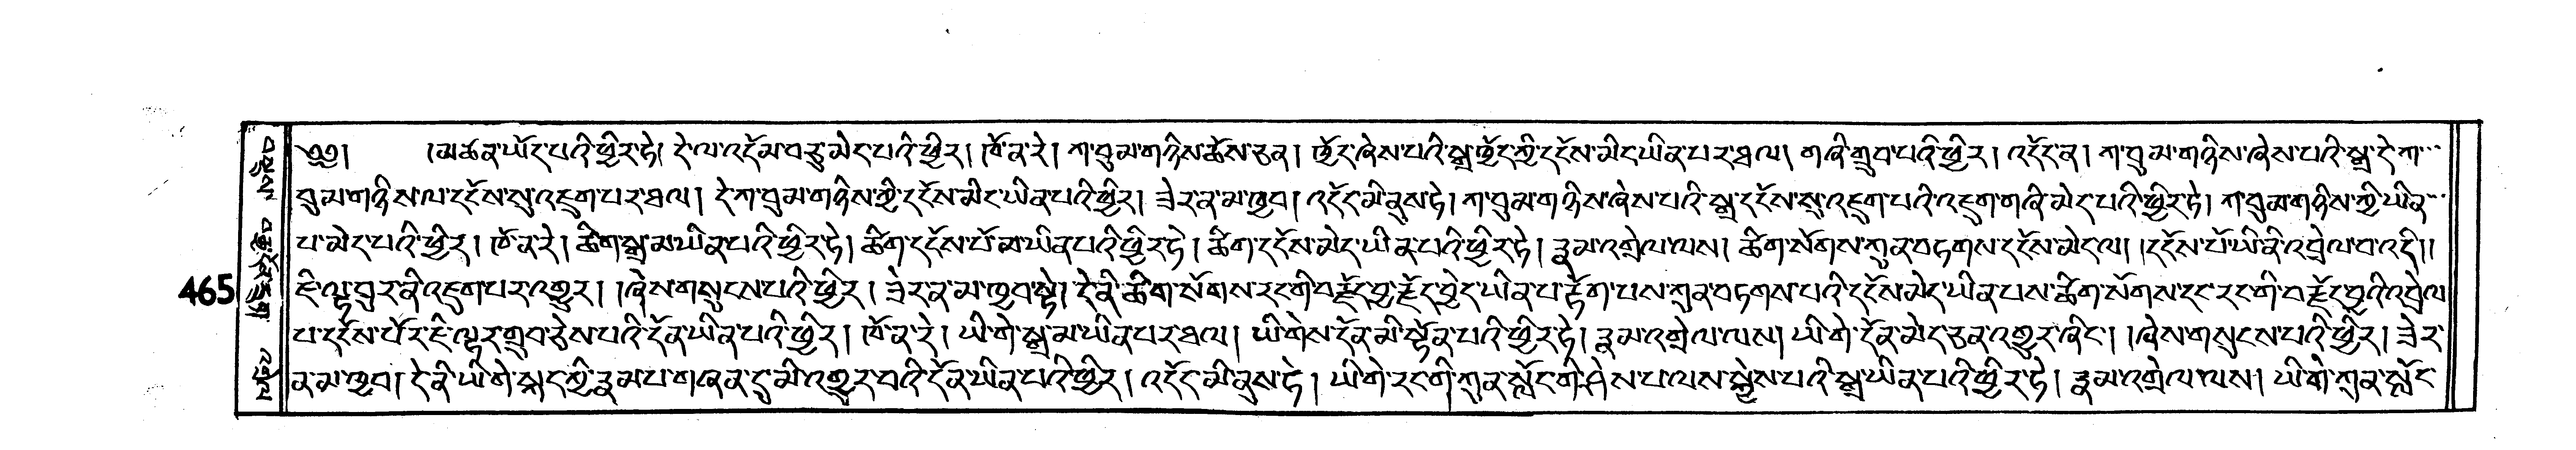༄༅། །མཚན་ཡོད་པའི་ཕྱིར་ཏེ། དེ་ལ་འདོམ་བཅུ་མེད་པའི་ཕྱིར། ཁོ་ན་རེ། ཀ་བུམ་གཉིས་ཆོས་ཅན། ཁྱོད་ཞེས་པའི་སྒྲ་ཁྱོད་ཀྱི་དངོས་མིང་ཡིན་པར་ཐལ། གཞི་གྲུབ་པའི་ཕྱིར། འདོད་ན། ཀ་བུམ་གཉིས་ཞེས་པའི་སྒྲ་དེ་ཀ་
བུམ་གཉིས་ལ་དངོས་སུ་འཇུག་པར་ཐལ། དེ་ཀ་བུམ་གཉིས་ཀྱི་དངོས་མིང་ཡིན་པའི་ཕྱིར། ཟེར་ན་མ་ཁྱབ། འདོད་མི་ནུས་ཏེ། ཀ་བུམ་གཉིས་ཞེས་པའི་སྒྲ་དངོས་སུ་འཇུག་པའི་འཇུག་གཞི་མེད་པའི་ཕྱིར་ཏེ། ཀ་བུམ་གཉིས་ཀྱི་ཡིན་
པ་མེད་པའི་ཕྱིར། ཁོ་ན་རེ། ཚིག་སྒྲ་མ་ཡིན་པའི་ཕྱིར་ཏེ། ཚིག་དངོས་པོ་མ་ཡིན་པའི་ཕྱིར་ཏེ། ཚིག་དངོས་མེད་ཡིན་པའི་ཕྱིར་ཏེ། རྣམ་འགྲེལ་ལས། ཚིག་སོགས་ཀུན་བཏགས་དངོས་མེད་ལ། །དངོས་པོ་ཡི་ནི་འབྲེལ་བ་འདི།།
ཇི་ལྟ་བུར་ནི་འཇུག་པར་འགྱུར། །ཞེས་གསུངས་པའི་ཕྱིར། ཟེར་ན་མ་ཁྱབ་སྟེ། དེ་ནི་ཚིག་སོགས་རང་གི་བརྗོད་བྱ་རྗོད་བྱེད་ཡིན་པ་རྟོག་པས་ཀུན་བཏགས་པའི་དངོས་མེད་ཡིན་པས་ཚིག་སོགས་དང་རང་གི་བརྗོད་བྱའི་འབྲེལ་
པ་དངོས་པོར་ཇི་ལྟར་གྲུབ་ཅེས་པའི་དོན་ཡིན་པའི་ཕྱིར། ཁོ་ན་རེ། ཡི་གེ་སྒྲ་མ་ཡིན་པར་ཐལ། ཡི་གེས་དོན་མི་སྟོན་པའི་ཕྱིར་ཏེ། རྣམ་འགྲེལ་ལས། ཡི་གེ་དོན་མེད་ཅན་འགྱུར་ཞིང་། །ཞེས་གསུངས་པའི་ཕྱིར། ཟེར་
ན་མ་ཁྱབ། དེ་ནི་ཡི་གེ་སྐད་ཀྱི་རྣམ་པ་གཞན་དུ་མི་འགྱུར་བའི་དོན་ཡིན་པའི་ཕྱིར། འདོད་མི་ནུས་ཏེ། ཡི་གེ་རང་གི་ཀུན་སློང་གེ་ཤེས་པ་ལས་སྐྱེས་པའི་སྒྲ་ཡིན་པའི་ཕྱིར་ཏེ། རྣམ་འགྲེལ་ལས། ཡི་གེ་ཀུན་སློང་